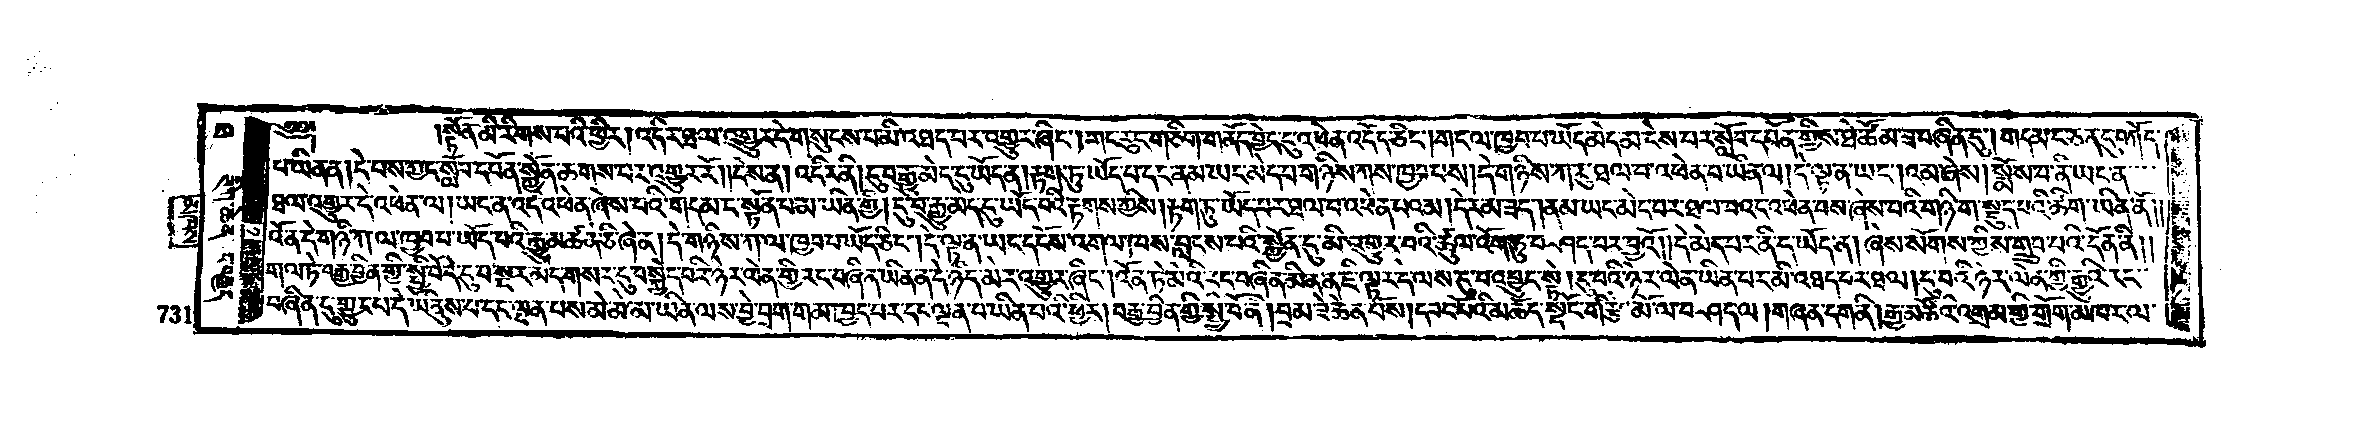༄༅། །སྟོན་མི་རིགས་པའི་ཕྱིར། འདིར་ཐལ་འགྱུར་དེ་གསུངས་པ་མི་འཐད་པར་འགྱུར་ཞིང་། གང་རུང་གཅིག་གནོད་བྱེད་དུ་འཕེན་འདོད་ཅིང་། གང་ལ་ཁྱབ་པ་ཡོད་མེད་མ་ངེས་པར་སློབ་དཔོན་གྱིས་ཐེ་ཚོམ་ཟ་བཞིན་དུ། གདམ་བཅན་དུ་བཀོད་
པ་ཡིན་ན། དེ་བས་ཀྱང་སློབ་དཔོན་སྐྱོན་ཆགས་པར་འགྱུར་རོ། །དེས་ན། འདིར་ནི། དུ་བ་རྒྱུ་མེད་དུ་ཡོད་ན། རྟག་ཏུ་ཡོད་པ་དང་ནམ་ཡང་མེད་པ་གཉིས་ཀས་ཁྱབ་པས། དེ་གཉིས་ཀ་རུ་ཐལ་བ་འཕེན་པ་ཡིན་ལ། དེ་ལྟ་ན་ཡང་། འམ་ཞེས། སྨོས་པ་ནི་ཡང་ན་
ཐལ་འགྱུར་དེ་འཕེན་ལ། ཡང་ན་འདི་འཕེན་ཞེས་པའི་གདམ་ང་སྟོན་པ་མ་ཡིན་གྱི། དུ་བ་རྒྱུ་མེད་དུ་ཡོད་པའི་རྟགས་ཀྱིས། རྟག་ཏུ་ཡོད་པར་ཐལ་བ་འཕེན་པའམ། དེར་མ་ཟད། ནམ་ཡང་མེད་པར་ཐལ་བའང་འཕེན་པས་ཞེས་པའི་གཉི་ག་སྡུད་པའི་ཚིག་ཡིན་ནོ།།
འོ་ན་དེ་གཉི་ཀ་ལ་ཁྱབ་པ་ཡོད་པའི་རྒྱུ་མཚན་ཅི་ཞེ་ན། དེ་གཉིས་ཀ་ལ་ཁྱབ་པ་ཡོད་ཅིང་། དེ་ལྟ་ན་ཡང་དངོས་འགལ་ཁས་བླངས་པའི་སྐྱོན་དུ་མི་འགྱུར་བའི་ཚུལ་འོག་ཏུ་བཤད་པར་བྱའོ། །དེ་མེད་པར་ནི་ད་ཡོད་ན། ཞེས་སོགས་ཀྱིས་གྲུབ་པའི་དོན་ནི།།
གལ་ཏེ་བརྒྱ་བྱིན་གྱི་སྤྱི་བོ་དེ་དུ་བ་སྔར་མེད་གསར་དུ་བསྐྱེད་པའི་ཉེར་ལེན་གྱི་རང་བཞིན་ཡིན་ན་དེ་ཉིད་མེར་འགྱུར་ཞིང་། འོན་ཏེ་མེའི་རང་བཞིན་མིན་ན་ཇི་ལྟར་དེ་ལས་དུ་བ་འབྱུང་སྟེ། དུ་བའི་ཉེར་ལེན་ཡིན་པར་མི་འཐད་པར་ཐལ། དུ་བའི་ཉེར་ལེན་གྱི་རྒྱུའི་རང་
བཞིན་དུ་གྱུར་པ་དེ་ཡི་ནུས་པ་དང་ལྡན་པས་མེ་མེ་མ་ཡིན་ལས་བྱེ་བྲག་གམ་ཁྱད་པར་དང་ལྡན་པ་ཡིན་པའི་ཕྱིར། བརྒྱ་བྱིན་གྱི་སྤྱི་བོ་ནི། བྲམ་ཟེ་ཆེན་པོས། དབང་པོའི་མཆོད་སྡོང་གི་རྩེ་མོ་ལ་བཤད་ལ། གཞན་དག་ནི། རྒྱ་མཚོའི་འགྲམ་གྱི་གྲོག་མཁར་ལ་